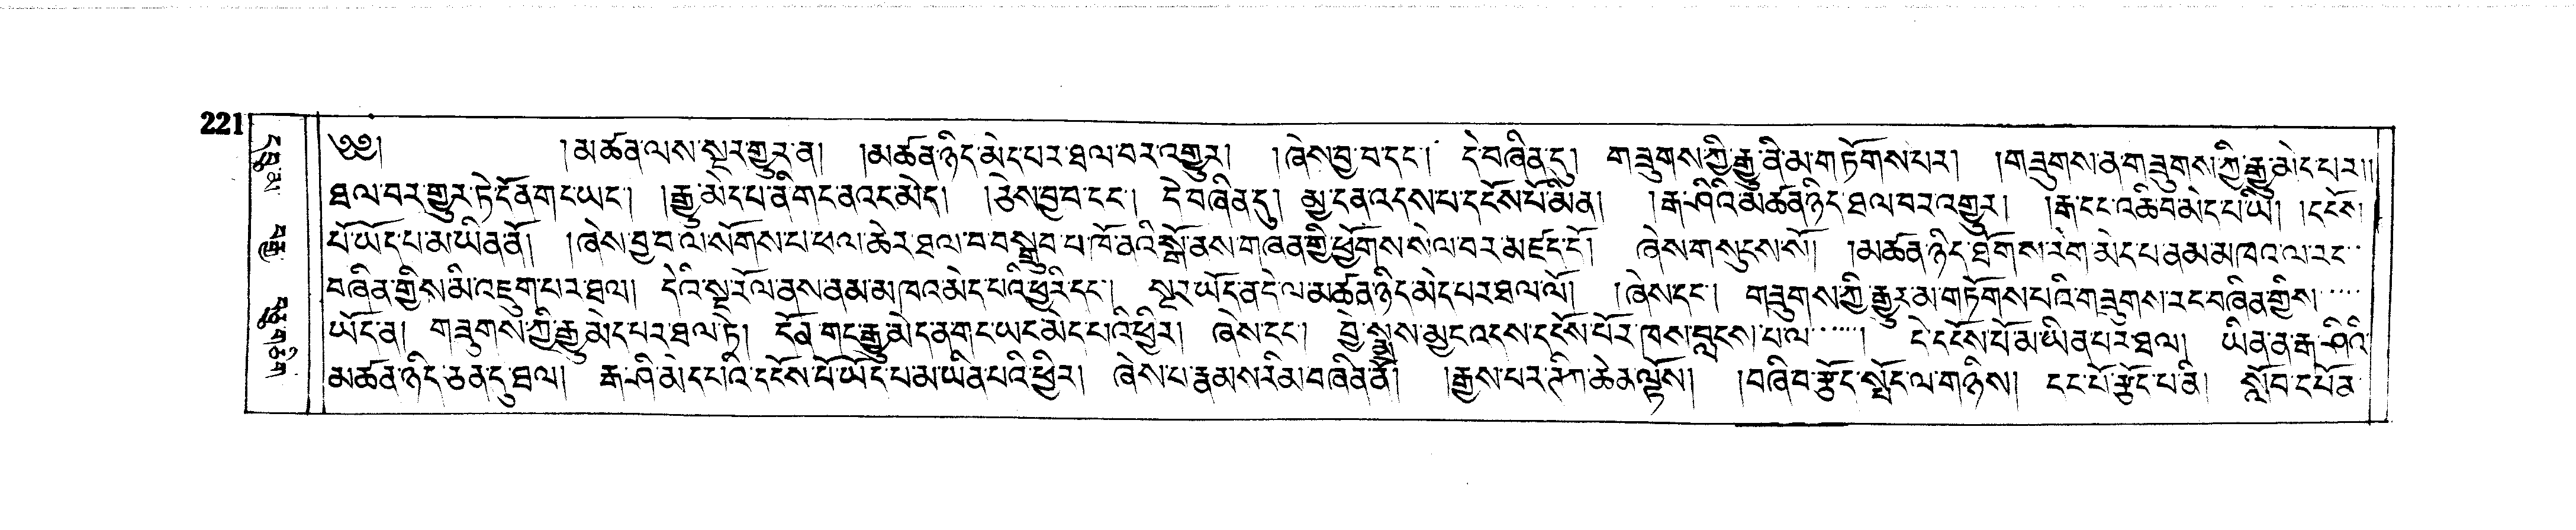༄༅། །མཚན་ལས་སྔར་གྱུར་ན། །མཚན་ཉིད་མེད་པར་ཐལ་བར་འགྱུར། །ཞེས་བྱ་བ་དང་། དེ་བཞིན་དུ། གཟུགས་ཀྱི་རྒྱུ་ནི་མ་གཏོགས་པར། །གཟུགས་ན་གཟུགས་ཀྱི་རྒྱུ་མེད་པར།།
ཐལ་བར་གྱུར་ཏེ་དོན་གང་ཡང་། །རྒྱུ་མེད་པ་ནི་གང་ནའང་མེད། །ཅེས་བྱ་བ་དང་། དེ་བཞིན་དུ། མྱ་ངན་འདས་པ་དངོས་པོ་མིན། །རྒ་ཤིའི་མཚན་ཉིད་ཐལ་བར་འགྱུར། །རྒ་དང་འཆི་བ་མེད་པ་ཡི། །དངོས་
པོ་ཡོད་པ་མ་ཡིན་ནོ། །ཞེས་བྱ་བ་ལ་སོགས་པ་ཕལ་ཆེར་ཐལ་བ་བསྒྲུབ་པ་ཁོ་ནའི་སྒོ་ནས་གཞན་གྱི་ཕྱོགས་སེལ་བར་མཛད་དོ། ཞེས་གསུངས་སོ། །མཚན་ཉིད་ཐོགས་རེག་མེད་པ་ནམ་མཁའ་ལ་རང་
བཞིན་གྱིས་མི་འཇུག་པར་ཐལ། དེའི་སྔ་རོལ་ནས་ནམ་མཁའ་མེད་པའི་ཕྱིར་དང་། སྔར་ཡོད་ན་དེ་ལ་མཚན་ཉིད་མེད་པར་ཐལ་ལོ། །ཞེས་དང་། གཟུགས་ཀྱི་རྒྱུར་མ་གཏོགས་པའི་གཟུགས་རང་བཞིན་གྱིས་
ཡོད་ན། གཟུགས་ཀྱི་རྒྱུ་མེད་པར་ཐལ་ཏེ། དོན་གང་རྒྱུ་མེད་ན་གང་ཡང་མེད་པའི་ཕྱིར། ཞེས་དང་། བྱེ་སྨྲས་མྱང་འདས་དངོས་པོར་ཁས་བླངས་པ་ལ། དེ་དངོས་པོ་མ་ཡིན་པར་ཐལ། ཡིན་ན་རྒ་ཤིའི་
མཚན་ཉིད་ཅན་དུ་ཐལ། རྒ་ཤི་མེད་པའི་དངོས་པོ་ཡོད་པ་མ་ཡིན་པའི་ཕྱིར། ཞེས་པ་རྣམས་རིམ་བཞིན་ནོ། །རྒྱས་པར་ཊཱིཀ་ཆེན་ལྟོས། །བཞི་བ་རྩོད་སྤོང་ལ་གཉིས། དང་པོ་རྩོད་པ་ནི། སློབ་དཔོན་